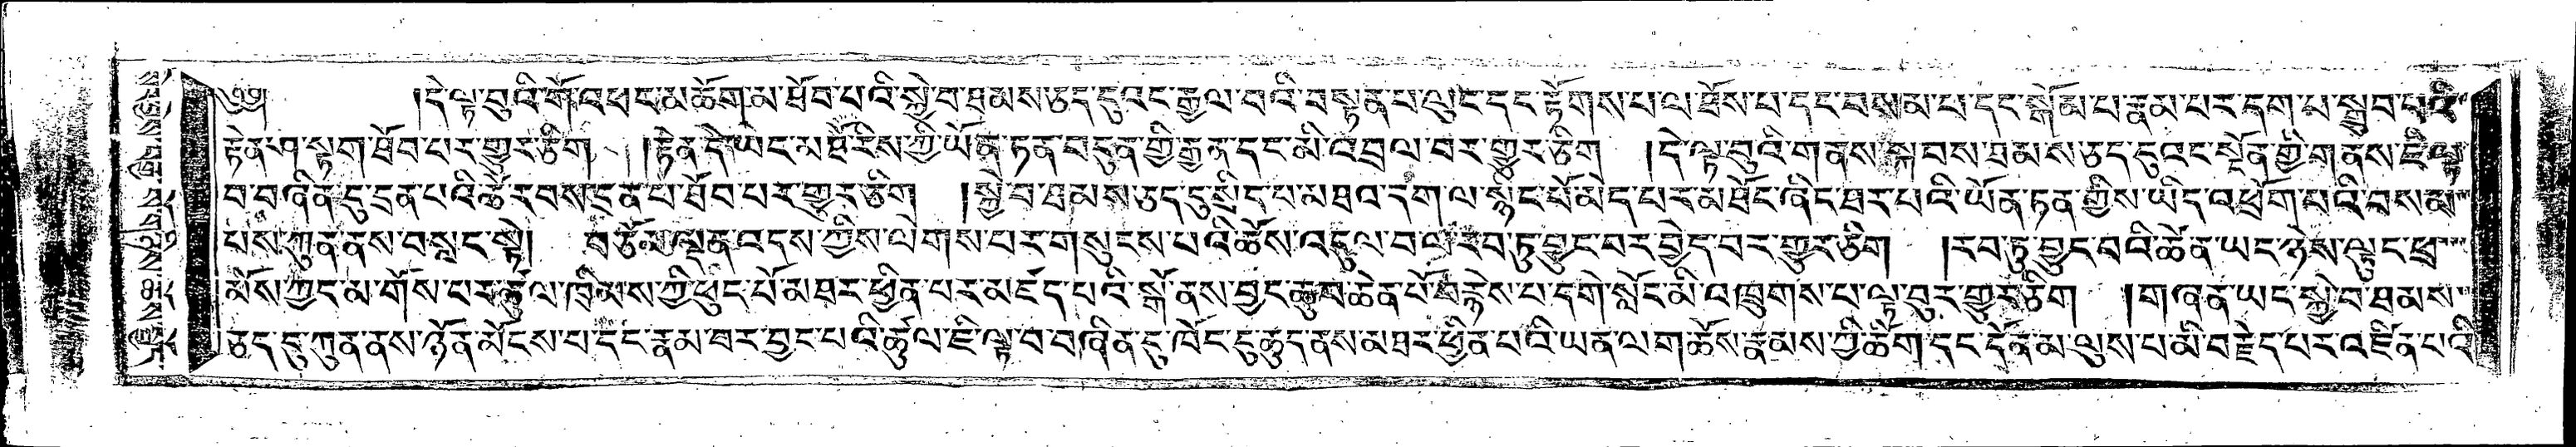༄༅། །དེ་ལྟ་བུའི་གོ་འཕང་མཆོག་མ་ཐོབ་པའི་སྐྱེ་བ་ཐམས་ཅད་དུའང་རྒྱལ་བའི་བསྟན་པ་ལུང་དང་རྟོགས་པ་ལ་ཐོས་པ་དང་བསམ་པ་དང་སྒོམ་པ་རྣམ་པར་དག་པ་སྒྲུབ་པའི་
རྟེན་ཤ་སྟག་ཐོབ་པར་གྱུར་ཅིག །རྟེན་དེ་ཡང་མཐོ་རིས་ཀྱི་ཡོན་ཏན་བདུན་གྱི་རྒྱན་དང་མི་འབྲལ་བར་གྱུར་ཅིག །དེ་ལྟ་བུའི་གནས་སྐབས་ཐམས་ཅད་དུའང་སྔོན་གྱི་གནས་ཇི་ལྟ་
བ་བཞིན་དུ་དྲན་པའི་ཚེ་རབས་དྲན་པ་ཐོབ་པར་གྱུར་ཅིག །སྐྱེ་བ་ཐམས་ཅད་དུ་སྲིད་པ་མཐའ་དག་ལ་སྙིང་པོ་མེད་པར་མཐོང་ཞིང་ཐར་པའི་ཡོན་ཏན་གྱིས་ཡིད་འཕྲོག་པའི་བསམ་
པས་ཀུན་ནས་བསླང་སྟེ། བཅོམ་ལྡན་འདས་ཀྱིས་ལེགས་པར་གསུངས་པའི་ཆོས་འདུལ་བ་ལ་རབ་ཏུ་བྱུང་བར་བྱེད་བར་གྱུར་ཅིག །རབ་ཏུ་བྱུང་བའི་ཚེ་ན་ཡང་ཉེས་ལྟུང་ཕྲ་
མོས་ཀྱང་མ་གོས་པར་ཚུལ་ཁྲིམས་ཀྱི་ཕུང་པོ་མཐར་ཕྱིན་པར་མཛད་པའི་སྒོ་ནས་བྱང་ཆུབ་ཆེན་པོ་བརྙེས་པ་དགེ་སློང་མི་འཁྲུགས་པ་ལྟ་བུར་གྱུར་ཅིག །གཞན་ཡང་སྐྱེ་བ་ཐམས་
ཅད་དུ་ཀུན་ནས་ཉོན་མོངས་པ་དང་རྣམ་བར་བྱང་པའི་ཚུལ་ཇི་ལྟ་བ་བཞིན་དུ་ཁོང་དུ་ཆུད་ནས་མཐར་ཕྱིན་པའི་ཡན་ལག་ཆོས་རྣམས་ཀྱི་ཚིག་དང་དོན་མ་ལུས་པ་མི་བརྗེད་པར་འཛིན་པའི་